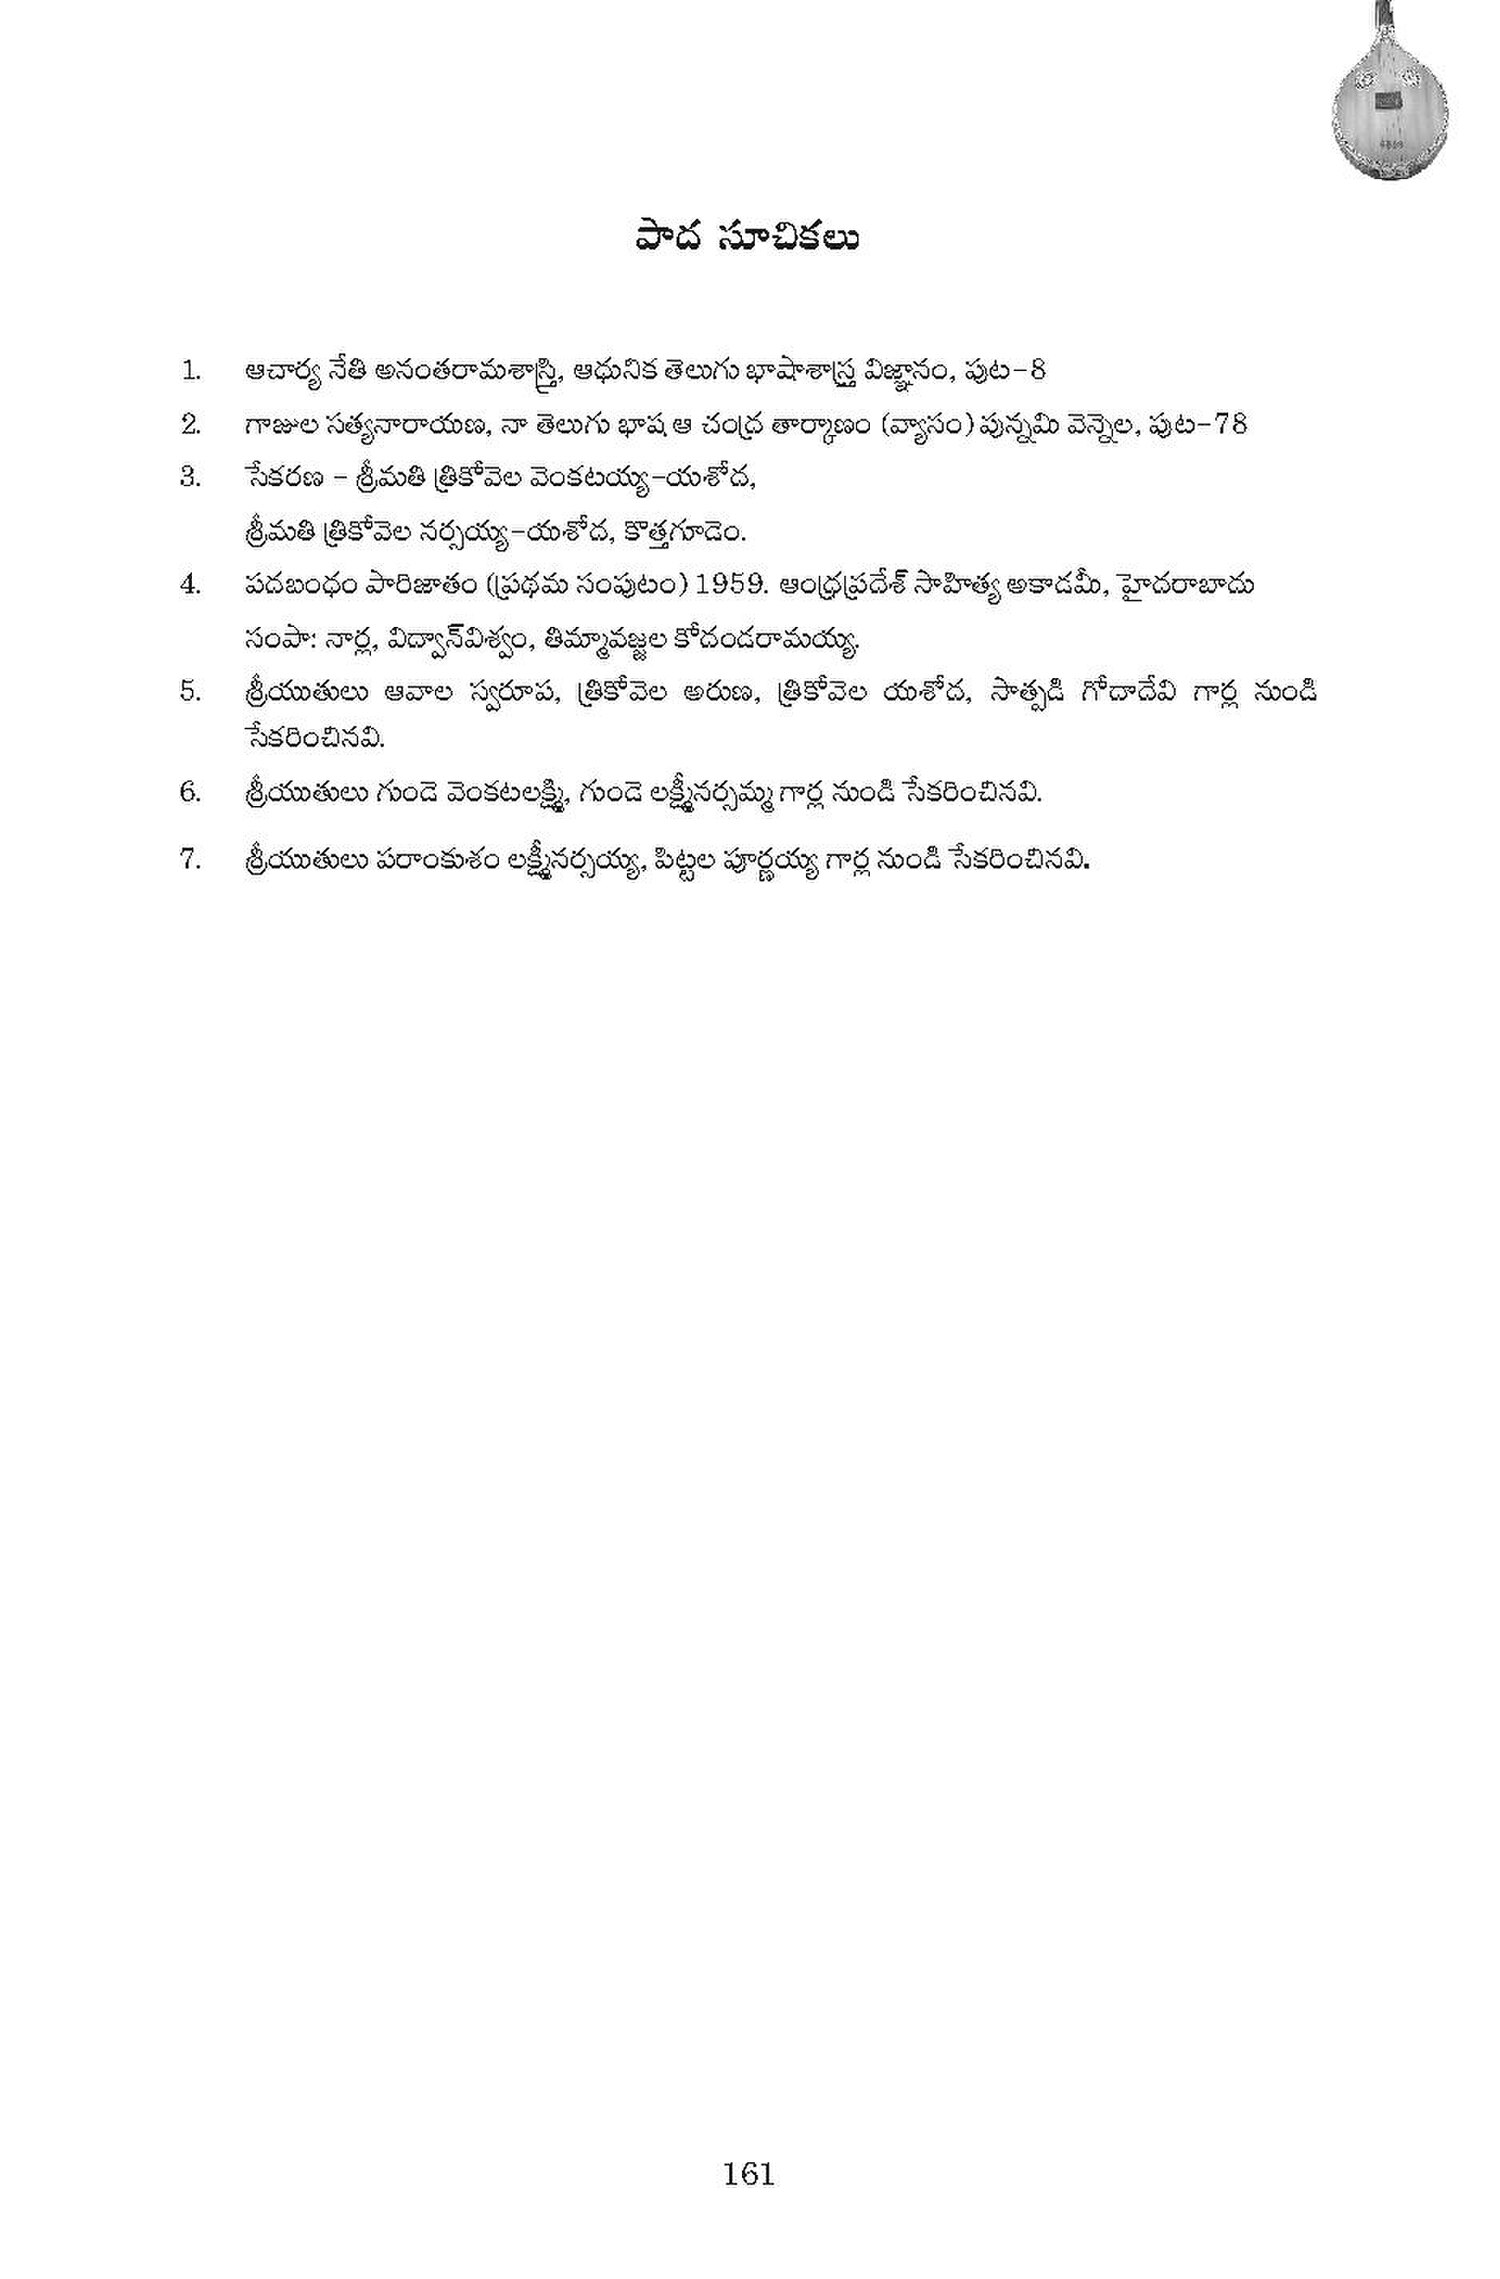1. ఆచార్య నేతి అనంతరామశాస్త్రి, ఆధునిక తెలుగు భాషాశాస్త్ర విజ్ఞానం, పుట-8
2. గాజుల సత్యనారాయణ, నా తెలుగు భాష ఆ చంద్ర తార్కాణం (వ్యాసం) పున్నమి వెన్నెల, పుట-78
3. సేకరణ - శ్రీమతి త్రికోవెల వెంకటయ్య-యశోద, శ్రీమతి త్రికోవెల నర్సయ్య-యశోద, కొత్తగూడెం.
4. పదబంధం పారిజాతం (ప్రథమ సంపుటం) 1959. ఆంధ్రప్రదేశ్ సాహిత్య అకాడమీ, హైదరాబాదు
సంపా: నార్ల, విద్వాన్విశ్వం, తిమ్మావజ్ఝల కోదండరామయ్య.
5. శ్రీయుతులు ఆవాల స్వరూప, త్రికోవెల అరుణ, త్రికోవెల యశోద, సాత్పడి గోదాదేవి గార్ల నుండి సేకరించినవి.
6. శ్రీయుతులు గుండె వెంకటలక్ష్మి, గుండె లక్ష్మీనర్సమ్మ గార్ల నుండి సేకరించినవి.
7. శ్రీయుతులు పరాంకుశం లక్ష్మీనర్సయ్య, పిట్టల పూర్ణయ్య గార్ల నుండి సేకరించినవి.